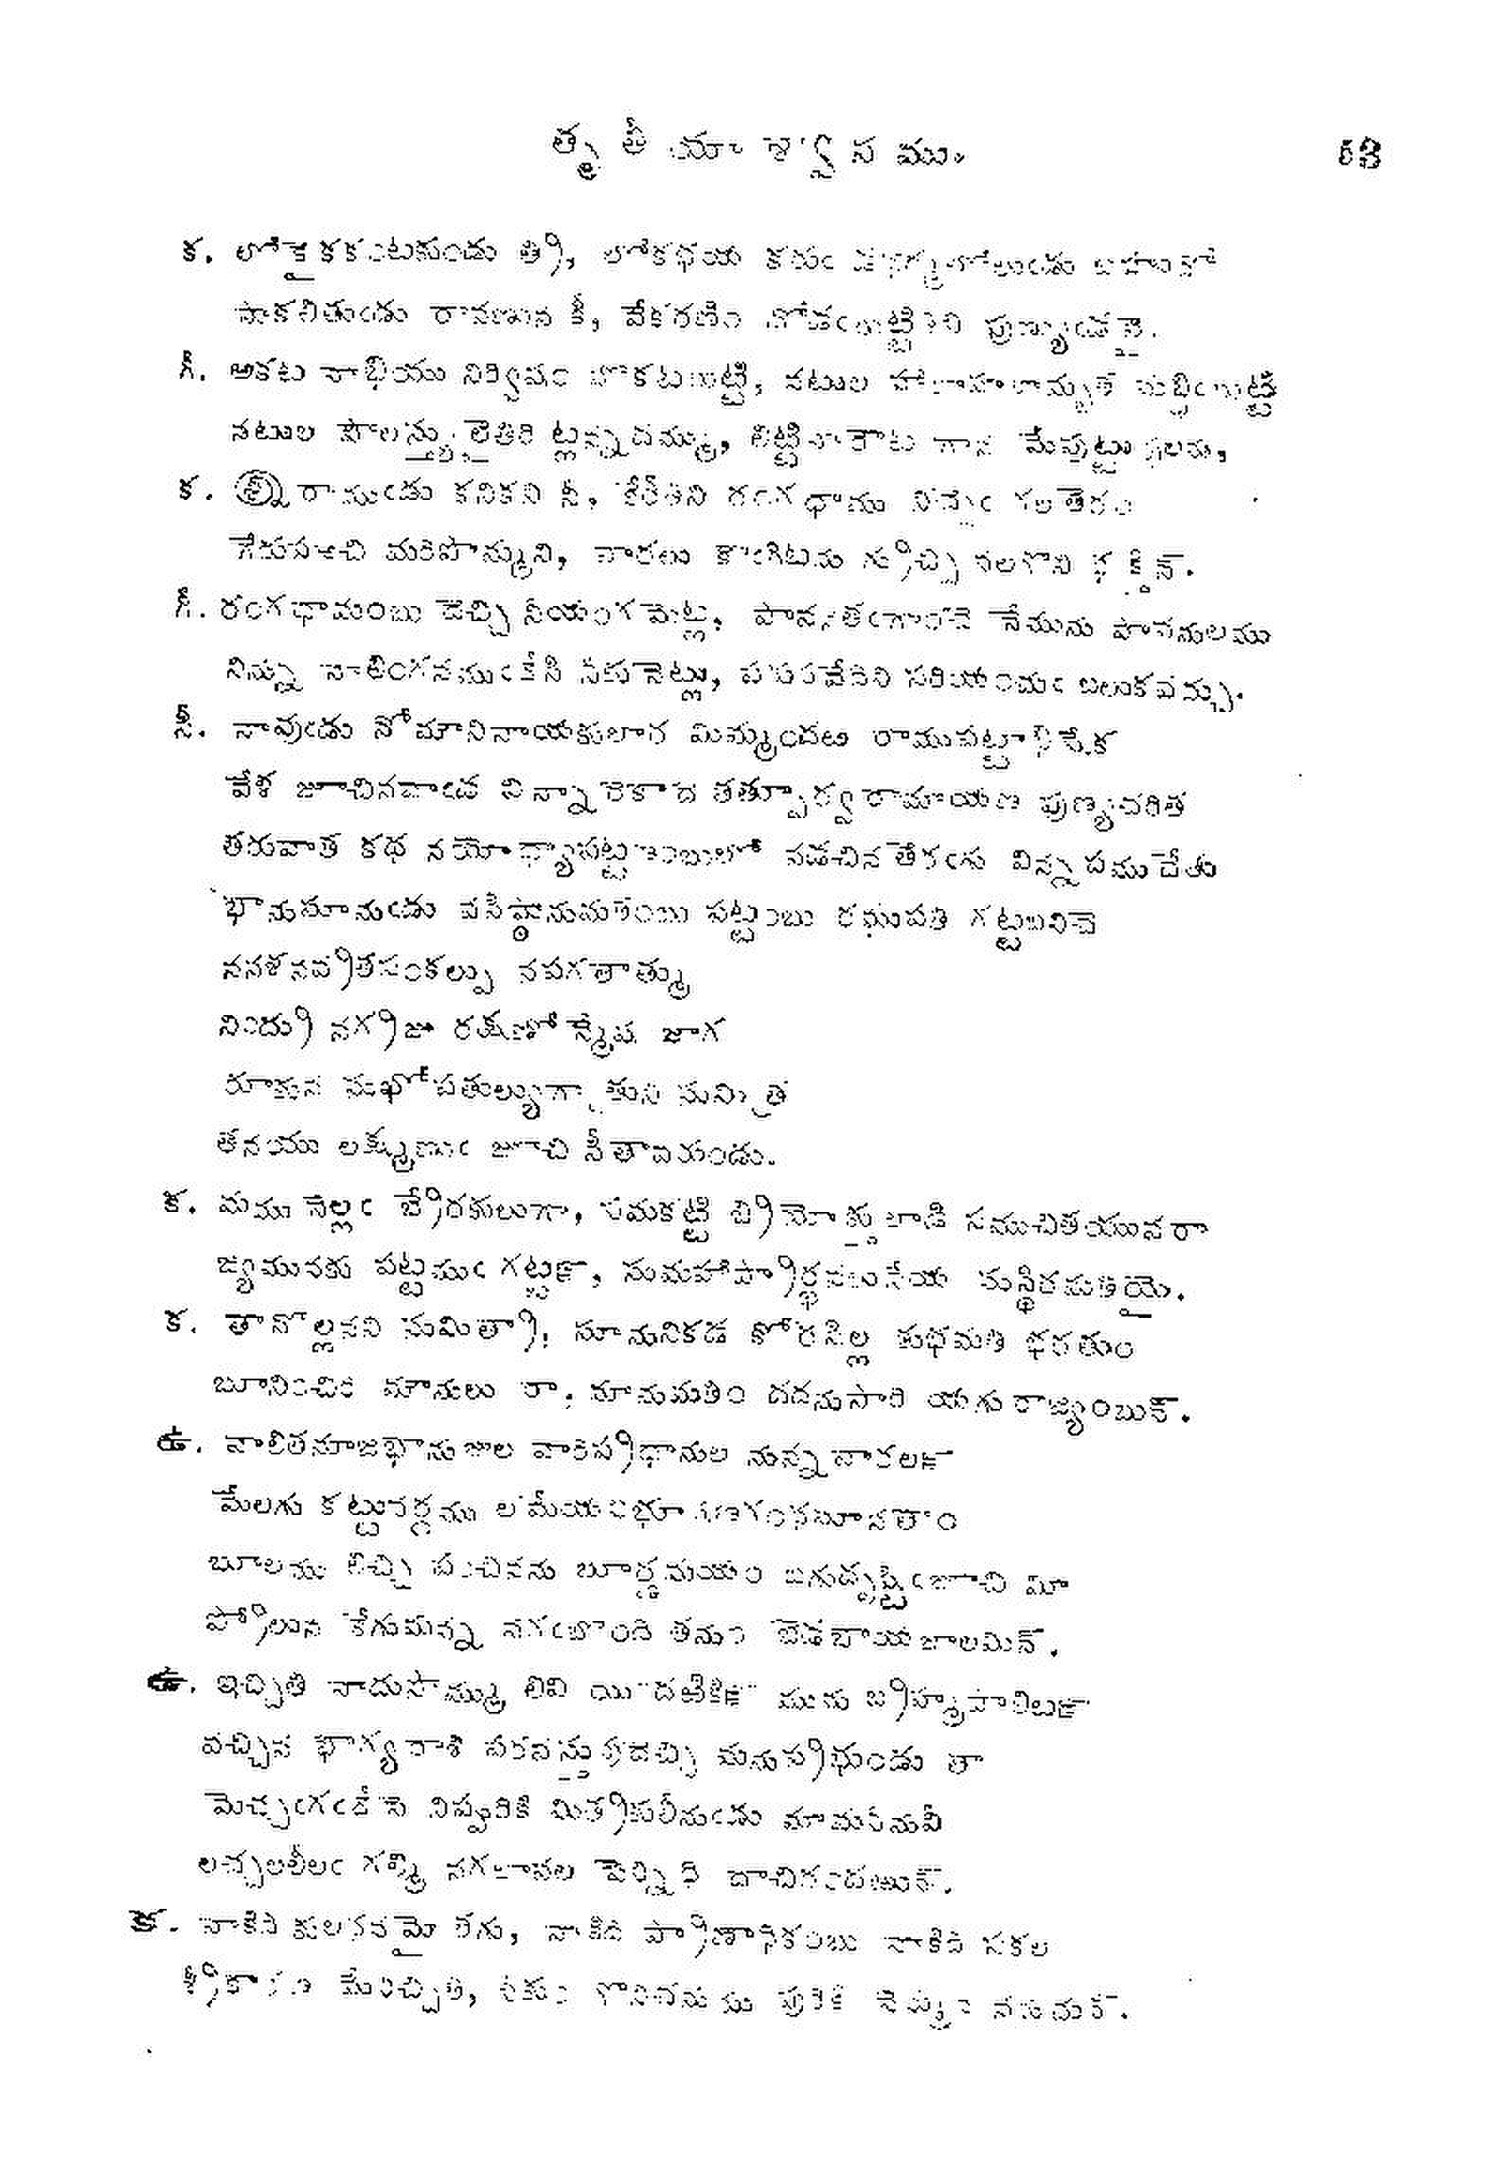క. లోకైకకంటకుండు త్రి, లోకభయకరుఁ డధర్మలోలుఁడు బహుదో
 షాకలితుఁడు రావణున కీ, వేకరణిం దోడబుట్టితివి పుణ్యుఁడవై.
గీ. అకట నాభియు నిర్విషం బొకటఁ బుట్టి, నటుల హాలాహలమమృత మబ్ధిఁ బుట్టి
 నటుల పౌలస్త్యు లైతిరి ట్లన్నదమ్ము, లిట్టివారౌట గాన మేపుట్టువులను.
క. శ్రీరాముఁడు కనికని నీ, కేరీతిని రంగధాము నిచ్చెఁ గలతెరం
 గెరుపఱచి మరిపొమ్మని, నారలు కౌఁగిటను గ్రుచ్చి వలగొని భక్తిన్.
గీ. రంగధామంబు ఇచ్చి నీయంగ మెట్ల, పావనతఁ గాంచె నేమును పావనులము
 నిన్ను నాలింగనముఁ జేసి నీకు నెట్లు, పరుసవేదిని సరియంచుఁ బలుకవచ్చు.
సీ. నావుఁడు నోమౌనినాయకులార మిమ్మందఱ రాము పట్టాభిషేక
 వేళ జూచినవాఁడ విన్నారెకాదె తత్పూర్వరామాయణ పుణ్యచరిత
 తరువాత కథ నయోధ్యాపట్టణంబులో నడచిన తెరఁగు విన్నపము చేతు
 భానుసూనుఁడు వసిష్ఠానుమతంబు పట్టంబు రఘుపతి గట్టబనిచె
 ననశనవ్రతసంకల్పు నపగతాత్ము
 నింద్రు నజు రక్షణోన్మేష జాగ
 రూకున సుఖోపతుల్యుగాత్రుని సుమిత్ర
 తనయు లక్ష్మణుఁ జూచి సీతావరుండు.
క. మము నెల్లఁ బ్రేరకులుగా, సమకట్టి బ్రియోక్తు లాడి సముచితయువరా
 జ్యమునకు పట్టముఁ గట్టన్, సుమహాప్రార్థనలు సేయ సుస్థిరమతియై.
క. తా నొల్లనని సుమిత్రా, సూనునికడ కోరసిల్ల శుభమతి భరతుం
 బూనించిరి మౌనులు రా, మానుమతిం దదనుసారి యగురాజ్యంబున్.
ఉ. వాలితనూజభానుజుల వారిప్రధానుల నున్నవారలన్
 మేలగు కట్టువర్గము లమేయవిభూషణగంధమానతాం
 బూలము లిచ్చి పంచినను బూర్ణమయం బగుదృష్టిఁ జూచి మీ
 ప్రోలున కేగుమన్న నగఁబొంది తనుం బెడబాయజాలమిన్.
ఉ. ఇచ్చితి నాదుసొమ్ము లివి యిందఱికిన్ మును బ్రహ్మపాలిటన్
 వచ్చిన భాగ్యరాశి పరవస్తువు దెచ్చి మనుప్రభుండు తా
 మెచ్చఁగఁజేసె నిప్పురికి మిత్రకులీనుఁడు మామనీనువీ
 లచ్చలలీలఁ గల్మి నగలాసల పెన్నిధి దాచి రందఱున్.
క. నా కిది కులవనమై తగు, నా కిది ప్రాణాధికంబు నా కిది సకల
 శ్రీకారణ మే నిచ్చితి, నీకుం గొనిచనుము పురికి నెమ్మది ననుచున్.